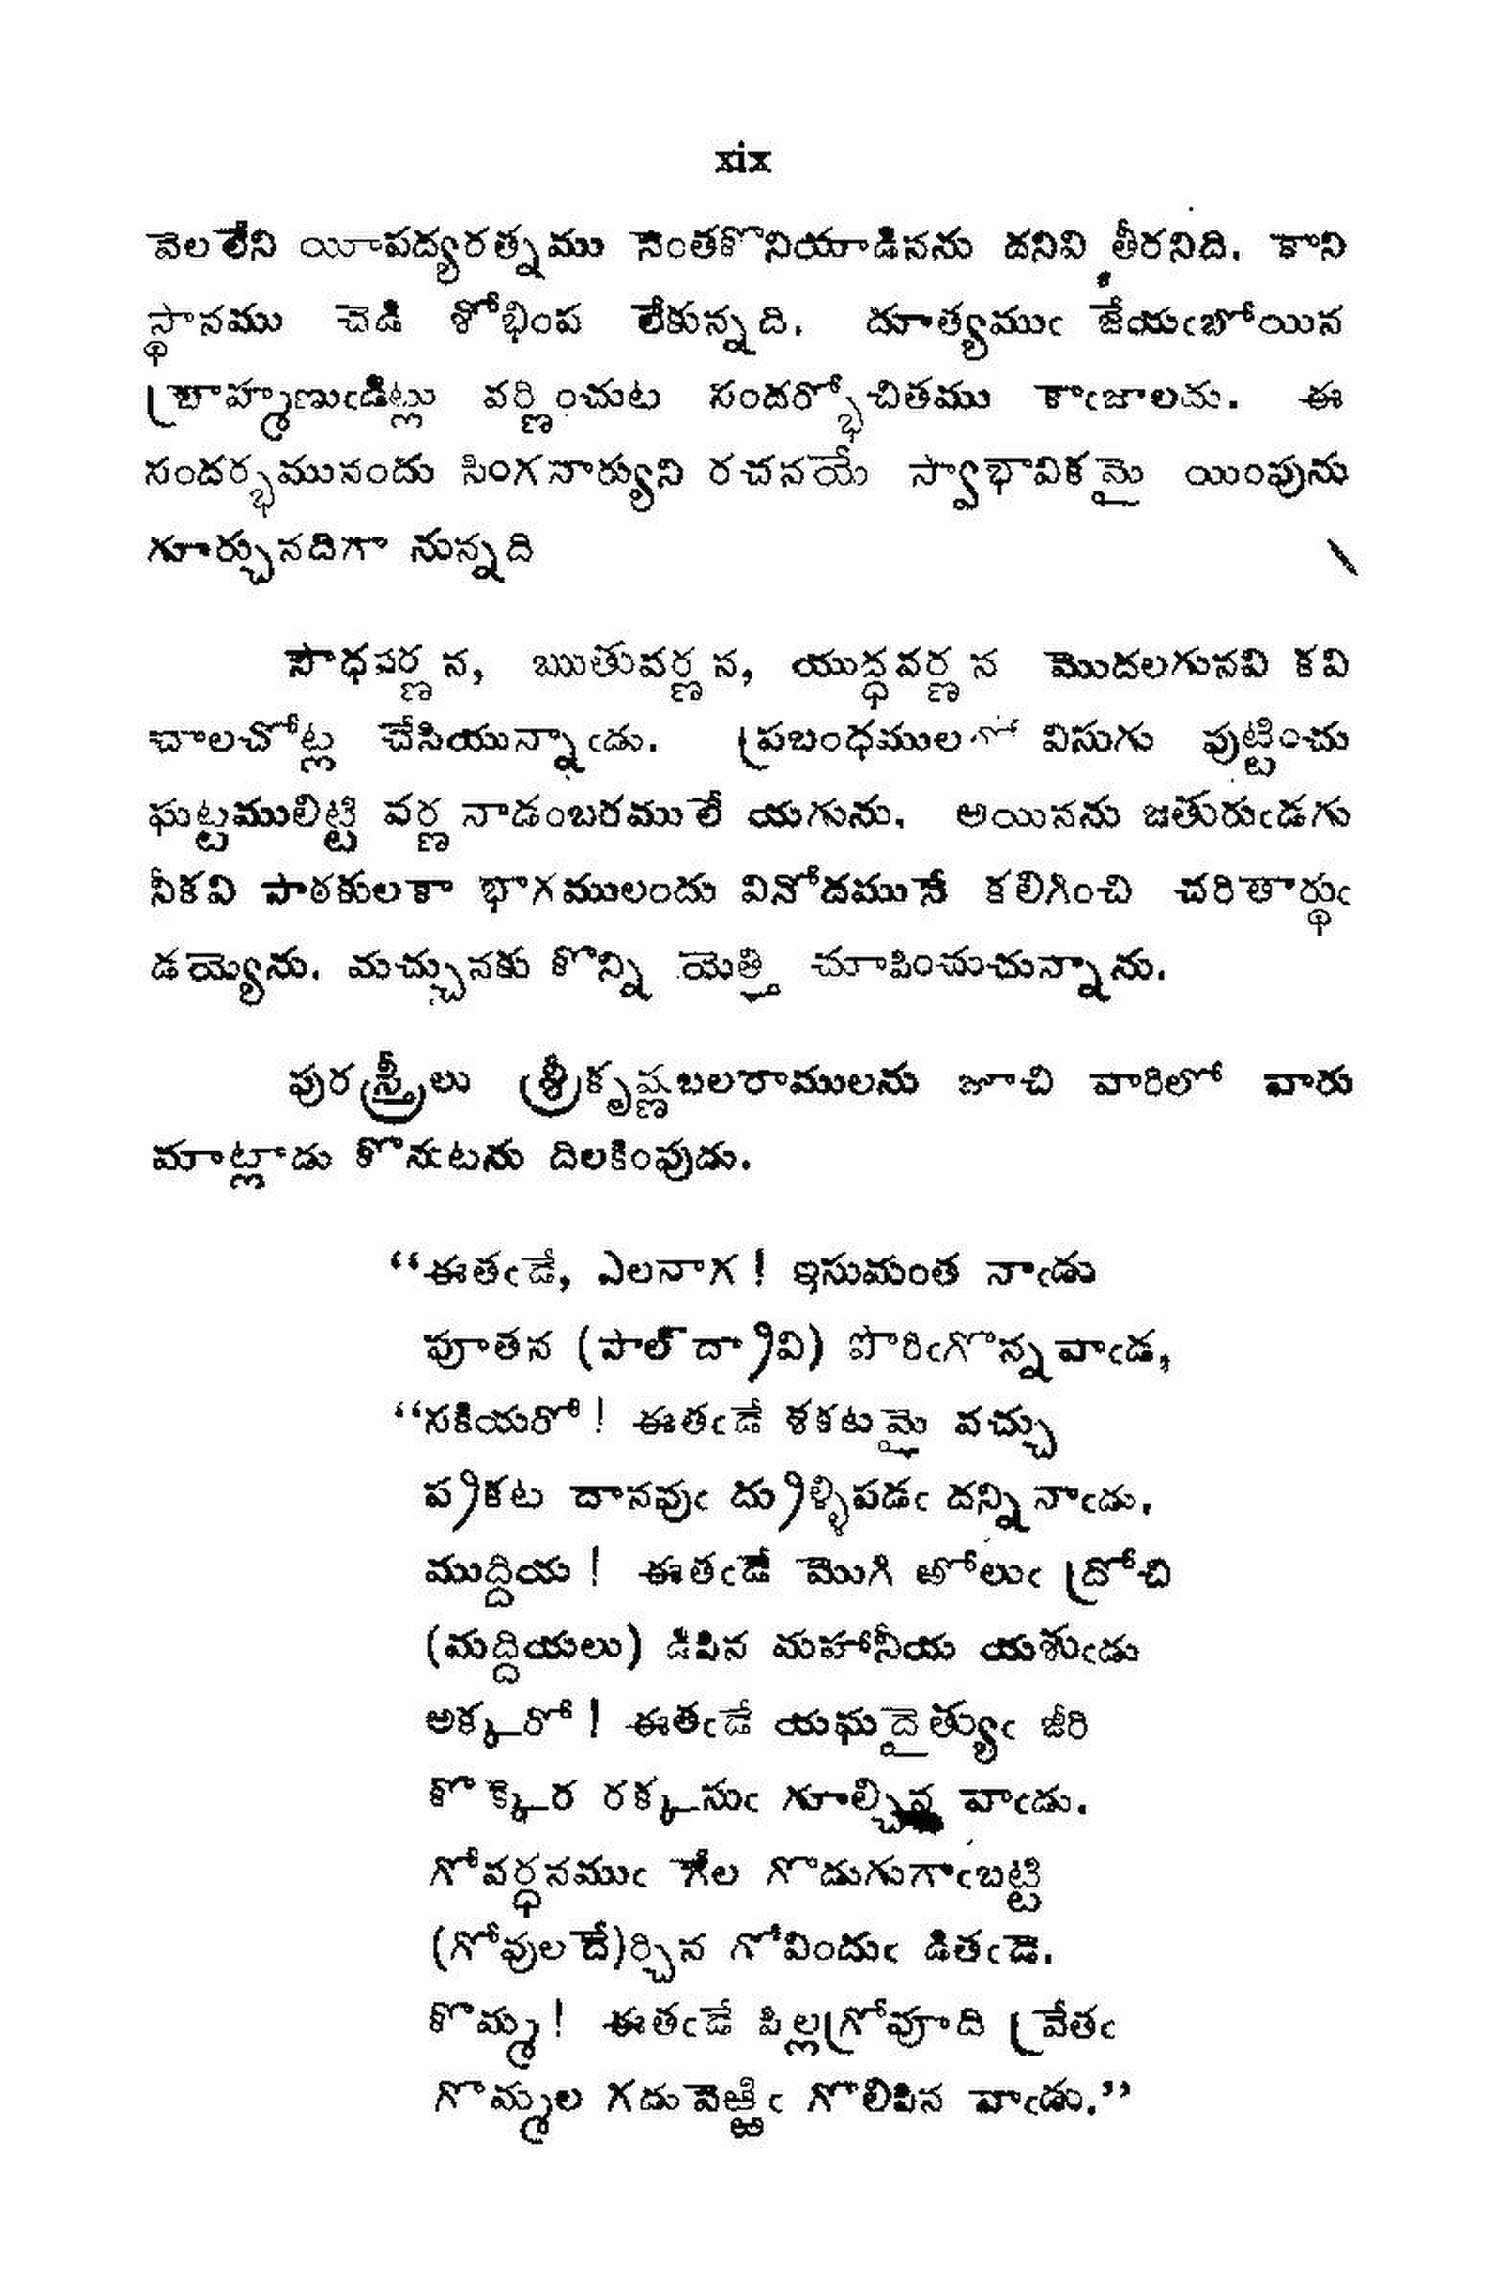వెలలేని ఈపద్యరత్నము నెంతకొనియాడినను దనివి తీరనిది. కాని స్థానము చెడి శోభింప లేకున్నది. దూత్యముఁ జేయబోయిన బ్రాహ్మణుఁడిట్లు వర్ణించుట సందర్భోచితము కాఁజాలదు. ఈ సందర్భమునందు సింగనార్యుని రచనయే స్వాభావికమై యింపును గూర్చినదిగా నున్నది. 

సౌధవర్ణన, ఋతువర్ణన, యుద్ధవర్ణన మొదలగునవి కవి చాలా చోట్ల చేసియున్నాఁడు. ప్రబంధములలో విసుగు పుట్టించు ఘట్టములిట్టి వర్ణనాడంబరములే యగును. అయినను జతురుఁడగు నీ కవి పాఠకుల కా భాగము లందు వినోదమునే కలిగించి చరితార్థుఁడయ్యెను. మచ్చునకు కొన్ని యెత్తి చూపించుచున్నాను.

పురస్త్రీలు శ్రీకృష్ణబలరాములను జూచి వారిలో వారు మాట్లాడుకొనుటను దిలకింపుడు.